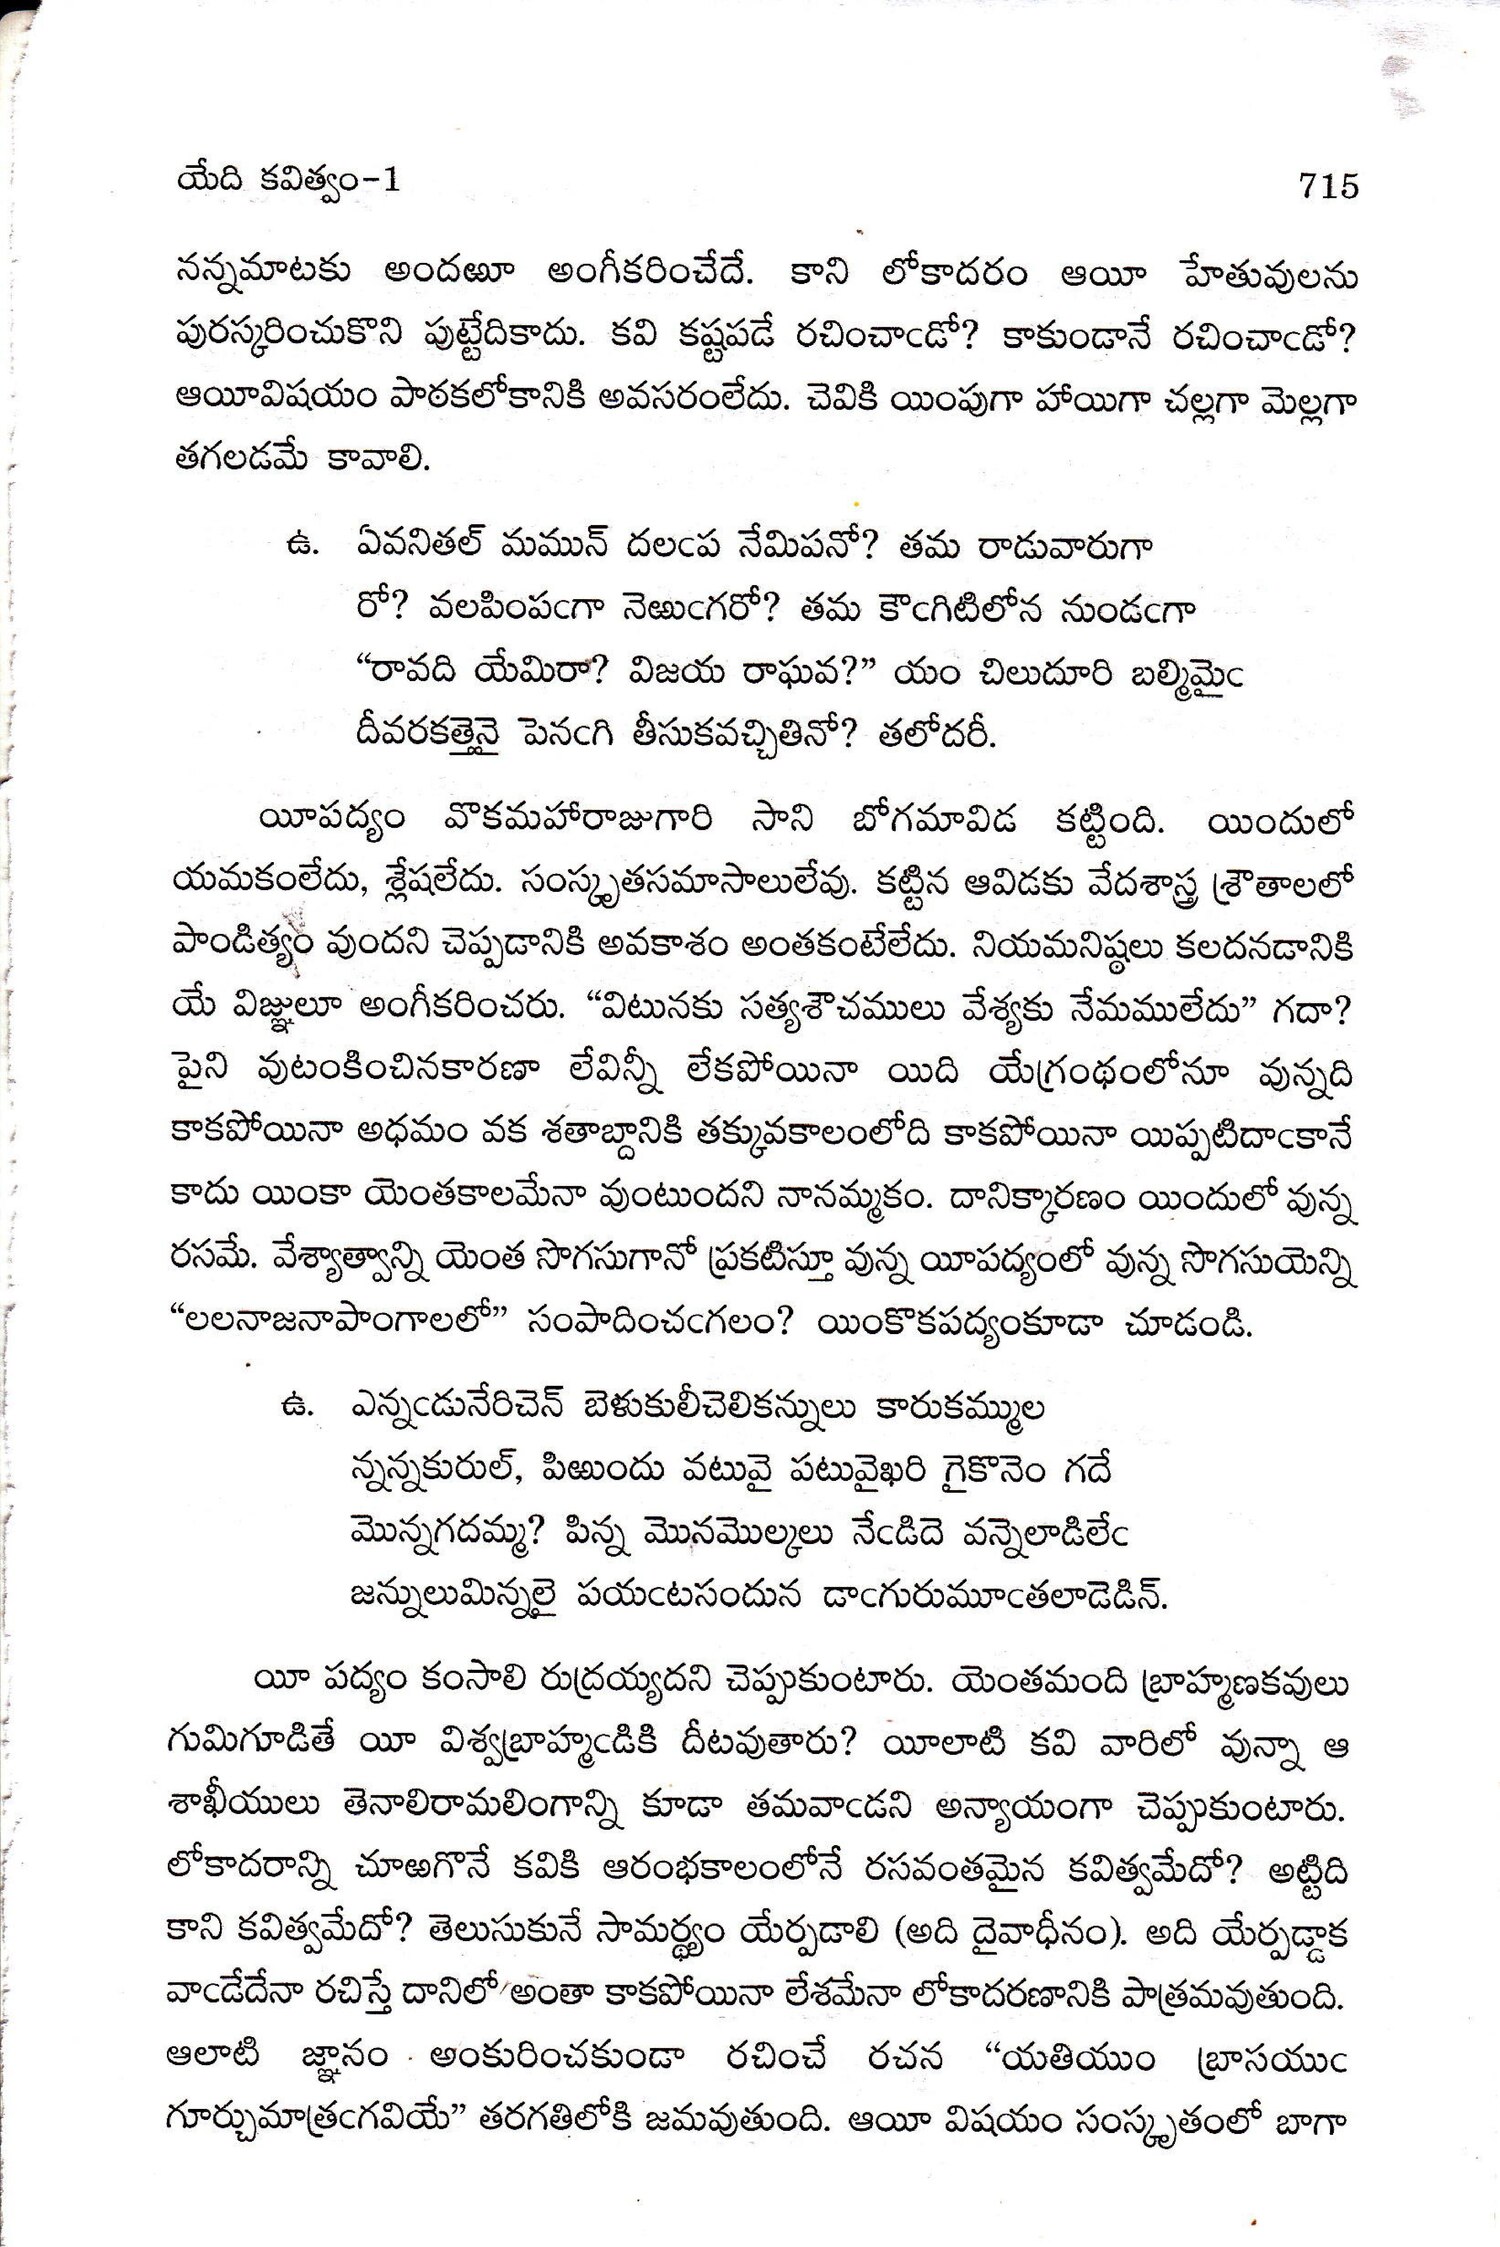నన్నమాటకు అందఱూ అంగీకరించేదే. కాని లోకాదరం ఆయీ హేతువులను పురస్కరించుకొని పుట్టేదికాదు. కవి కష్టపడే రచించాఁడో? కాకుండానే రచించాఁడో? ఆయీ విషయం పాఠకలోకానికి అవసరంలేదు. చెవికి యింపుగా హాయిగా చల్లగా మెల్లగా తగలడమే కావాలి.

ఉ. ఏవనితల్ మమున్ దలఁప నేమిపనో? తమ రాడువారుగా
 రో? వలపింపఁగా నెఱుఁగరో? తమ కౌఁగిటిలోన నుండఁగా 
 “రావది యేమిరా? విజయ రాఘవ?" యం చిలుదూరి బల్మిమైఁ 
 దీవరకత్తెనై పెనఁగి తీసుకవచ్చితినో? తలోదరీ.
యీపద్యం వొకమహారాజుగారి సాని బోగమావిడ కట్టింది. యిందులో యమకంలేదు, శ్లేషలేదు. సంస్కృతసమాసాలులేవు. కట్టిన ఆవిడకు వేదశాస్త్ర శ్రౌతాలలో పాండిత్యం వుందని చెప్పడానికి అవకాశం అంతకంటేలేదు. నియమనిష్ఠలు కలదనడానికి యే విజ్ఞులూ అంగీకరించరు. "విటునకు సత్యశౌచములు వేశ్యకు నేమములేదు" గదా? పైని వుటంకించినకారణా లేవిన్నీ లేకపోయినా యిది యేగ్రంథంలోనూ వున్నది కాకపోయినా అధమం వక శతాబ్దానికి తక్కువకాలంలోది కాకపోయినా యిప్పటిదాఁకానే కాదు యింకా యెంతకాలమేనా వుంటుందని నానమ్మకం. దానిక్కారణం యిందులో వున్న రసమే. వేశ్యాత్వాన్ని యెంత సొగసుగానో ప్రకటిస్తూ వున్న యీపద్యంలో వున్న సొగసుయెన్ని “లలనాజనాపాంగాలలో" సంపాదించఁగలం? యింకొకపద్యంకూడా చూడండి.

ఉ. ఎన్నఁడునేరిచెన్ బెళుకులీచెలికన్నులు కారుకమ్ముల
 న్నన్నకురుల్, పిఱుందు వటువై పటువైఖరి గైకొనెం గదే 
 మొన్నగదమ్మ పిన్న మొనమొల్కలు నేఁడిదె వన్నెలాడిలేఁ 
 జన్నులుమిన్నలై పయఁటసందున డాఁగురుమూఁతలాడెడిన్.
యీ పద్యం కంసాలి రుద్రయ్యదని చెప్పుకుంటారు. యెంతమంది బ్రాహ్మణకవులు గుమిగూడితే యీ విశ్వబ్రాహ్మఁడికి దీటవుతారు? యీలాటి కవి వారిలో వున్నా ఆ శాఖీయులు తెనాలిరామలింగాన్ని కూడా తమవాఁడని అన్యాయంగా చెప్పుకుంటారు. లోకాదరాన్ని చూఱగొనే కవికి ఆరంభకాలంలోనే రసవంతమైన కవిత్వమేదో? అట్టిది కాని కవిత్వమేదో? తెలుసుకునే సామర్థ్యం యేర్పడాలి (అది దైవాధీనం). అది యేర్పడ్డాక వాఁడేదేనా రచిస్తే దానిలో అంతా కాకపోయినా లేశమేనా లోకాదరణానికి పాత్రమవుతుంది. ఆలాటి జ్ఞానం అంకురించకుండా రచించే రచన "యతియుం బ్రాసయుఁ గూర్చుమాత్రఁగవియే" తరగతిలోకి జమవుతుంది. ఆయీ విషయం సంస్కృతంలో బాగా